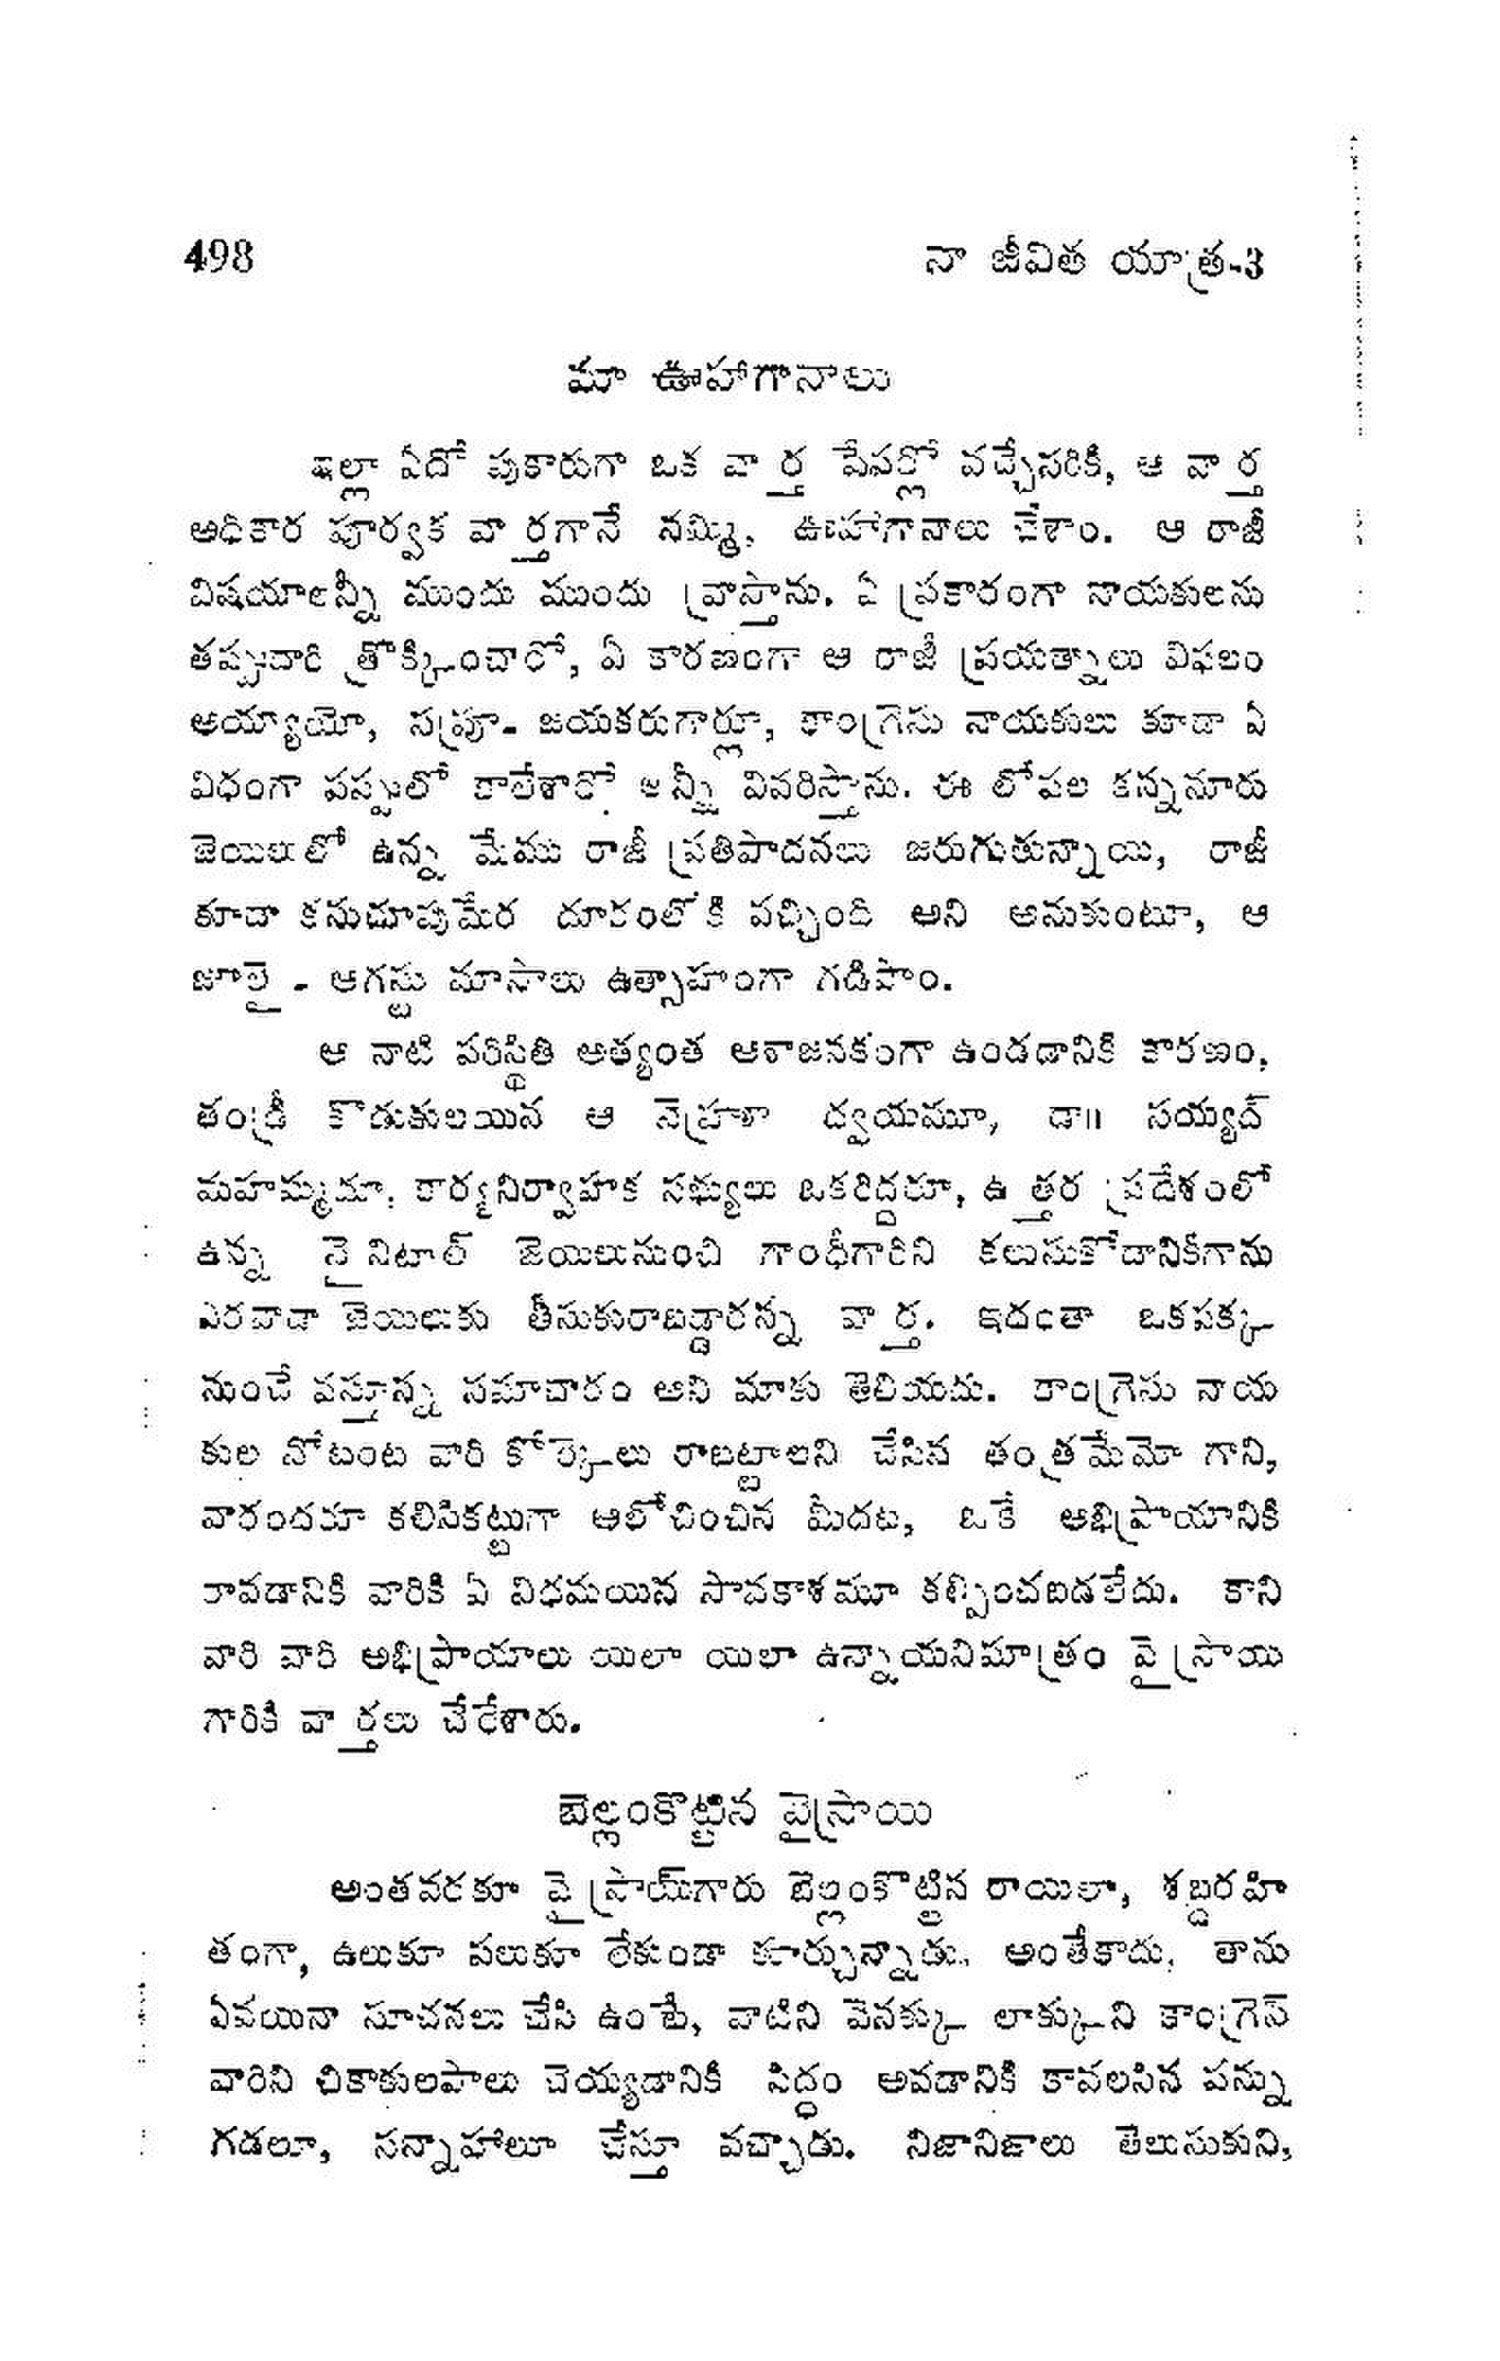ఇల్లా ఏదో పుకారుగా ఒక వార్త పేపర్లో వచ్చేసరికి, ఆ వార్త అధికార పూర్వక వార్తగానే నమ్మి, ఊహాగానాలు చేశాం. ఆ రాజీ విషయాలన్నీ ముందు ముందు వ్రాస్తాను. ఏ ప్రకారంగా నాయకులను తప్పుదారి త్రొక్కించారో, ఏ కారణంగా ఆ రాజీ ప్రయత్నాలు విఫలం అయ్యాయో, సప్రూ - జయకరుగార్లూ, కాంగ్రెసు నాయకులు కూడా ఏ విధంగా పప్పులో కాలేశారో అన్నీ వివరిస్తాను. ఈ లోపల కన్ననూరు జెయిలులో ఉన్న మేము రాజీ ప్రతిపాదనలు జరుగుతున్నాయి, రాజీ కూడా కనుచూపుమేర దూరంలోకి వచ్చింది అని అనుకుంటూ, ఆ జూలై - ఆగస్టు మాసాలు ఉత్సాహంగా గడిపాం.

ఆ నాటి పరిస్థితి అత్యంత ఆశాజనకంగా ఉండడానికి కారణం, తండ్రీ కొడుకులయిన ఆ నెహ్రూ ద్వయమూ, డా॥ సయ్యద్ మహమ్మదూ, కార్యనిర్వాహక సభ్యులు ఒకరిద్దరూ, ఉత్తర ప్రదేశంలో ఉన్న నైనిటాల్ జెయిలునుంచి గాంధీగారిని కలుసుకోడానికిగాను ఎరవాడా జెయిలుకు తీసుకురాబడ్డారన్న వార్త. ఇదంతా ఒకపక్కనుంచే వస్తూన్న సమాచారం అని మాకు తెలియదు. కాంగ్రెసు నాయకుల నోటంట వారి కోర్కెలు రాబట్టాలని చేసిన తంత్రమేమో గాని, వారందరూ కలిసికట్టుగా ఆలోచించిన మీదట, ఒకే అభిప్రాయానికి రావడానికి వారికి ఏ విధమయిన సావకాశమూ కల్పించబడలేదు. కాని వారి వారి అభిప్రాయాలు యిలా యిలా ఉన్నాయనిమాత్రం వైస్రాయిగారికి వార్తలు చేరేశారు.

అంతవరకూ వైస్రాయ్‌గారు బెల్లంకొట్టిన రాయిలా, శబ్దరహితంగా, ఉలుకూ పలుకూ లేకుండా కూర్చున్నాడు. అంతేకాదు, తాను ఏవయినా సూచనలు చేసి ఉంటే, వాటిని వెనక్కు లాక్కుని కాంగ్రెస్ వారిని చికాకులపాలు చెయ్యడానికి సిద్దం అవడానికి కావలసిన పన్నుగడలూ, సన్నాహాలూ చేస్తూ వచ్చాడు. నిజానిజాలు తెలుసుకుని,